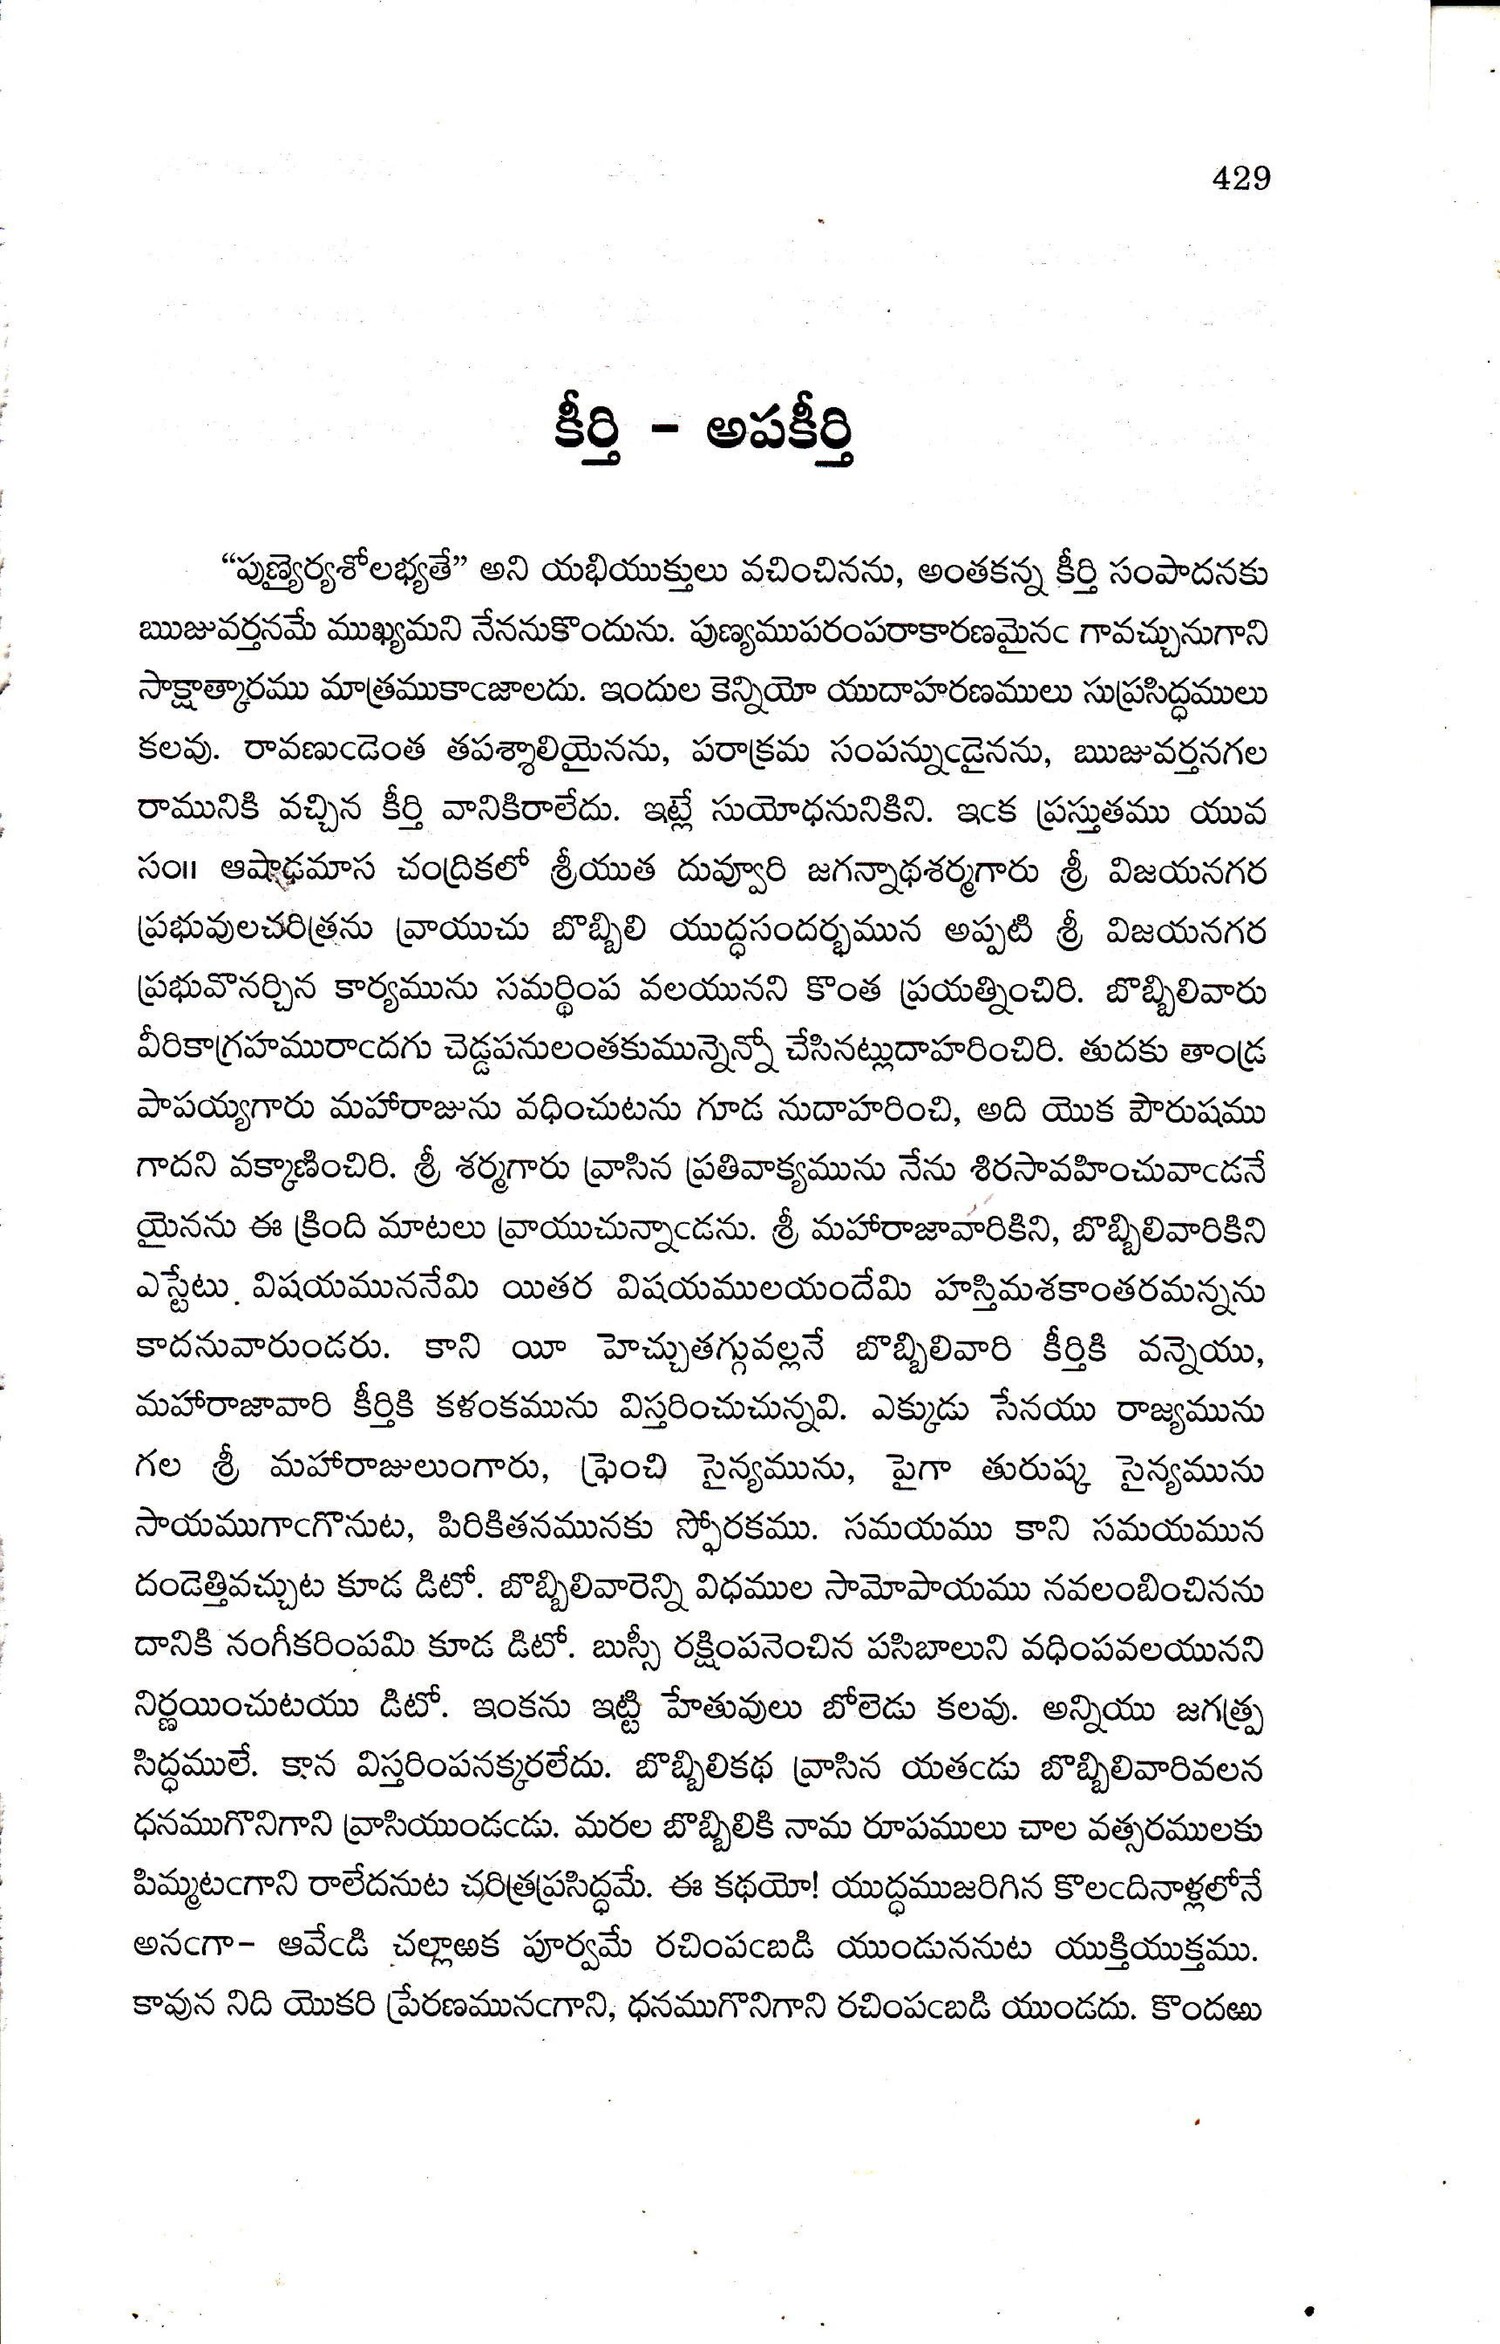కీర్తి - అపకీర్తి

"పుణ్యైర్యశోలభ్యతే" అని యభియుక్తులు వచించినను, అంతకన్న కీర్తి సంపాదనకు ఋజువర్తనమే ముఖ్యమని నేననుకొందును. పుణ్యముపరంపరాకారణమైనఁ గావచ్చునుగాని సాక్షాత్కారము మాత్రముకాఁజాలదు. ఇందుల కెన్నియో యుదాహరణములు సుప్రసిద్ధములు కలవు. రావణుఁడెంత తపశ్శాలియైనను, పరాక్రమ సంపన్నుఁడైనను, ఋజువర్తనగల రామునికి వచ్చిన కీర్తి వానికిరాలేదు. ఇట్లే సుయోధనునికిని. ఇఁక ప్రస్తుతము యువ సం!! ఆషాఢమాస చంద్రికలో శ్రీయుత దువ్వూరి జగన్నాథశర్మగారు శ్రీ విజయనగర ప్రభువులచరిత్రను వ్రాయుచు బొబ్బిలి యుద్ధసందర్భమున అప్పటి శ్రీ విజయనగర ప్రభువొనర్చిన కార్యమును సమర్ధింప వలయునని కొంత ప్రయత్నించిరి. బొబ్బిలివారు వీరికాగ్రహమురాఁదగు చెడ్డపనులంతకుమున్నెన్నో చేసినట్లుదాహరించిరి. తుదకు తాండ్ర పాపయ్యగారు మహారాజును వధించుటను గూడ నుదాహరించి, అది యొక పౌరుషము గాదని వక్కాణించిరి. శ్రీ శర్మగారు వ్రాసిన ప్రతివాక్యమును నేను శిరసావహించువాఁడనే యైనను ఈ క్రింది మాటలు వ్రాయుచున్నాఁడను. శ్రీ మహారాజావారికిని, బొబ్బిలివారికిని ఎస్టేటు విషయముననేమి యితర విషయములయందేమి హస్తిమశకాంతరమన్నను కాదనువారుండరు. కాని యీ హెచ్చుతగ్గువల్లనే బొబ్బిలివారి కీర్తికి వన్నెయు, మహారాజావారి కీర్తికి కళంకమును విస్తరించుచున్నవి. ఎక్కుడు సేనయు రాజ్యమును గల శ్రీ మహారాజులుంగారు, ఫ్రెంచి సైన్యమును, పైగా తురుష్క సైన్యమును సాయముగాఁగొనుట, పిరికితనమునకు స్ఫోరకము. సమయము కాని సమయమున దండెత్తివచ్చుట కూడ డిటో, బొబ్బిలివారెన్ని విధముల సామోపాయము నవలంబించినను దానికి నంగీకరింపమి కూడ డిటో, బుస్సీ రక్షింపనెంచిన పసిబాలుని వధింపవలయునని నిర్ణయించుటయు డిటో, ఇంకను ఇట్టి హేతువులు బోలెడు కలవు. అన్నియు జగత్ప్ర సిద్ధములే. కాన విస్తరింపనక్కరలేదు. బొబ్బిలికథ వ్రాసిన యతఁడు బొబ్బిలివారివలన ధనముగొనిగాని వ్రాసియుండఁడు. మరల బొబ్బిలికి నామ రూపములు చాల వత్సరములకు పిమ్మటఁగాని రాలేదనుట చరిత్రప్రసిద్ధమే. ఈ కథయో! యుద్ధముజరిగిన కొలఁదినాళ్లలోనే అనఁగా - ఆవేఁడి చల్లాఱక పూర్వమే రచింపఁబడి యుండుననుట యుక్తియుక్తము. కావున నిది యొకరి ప్రేరణమునఁగాని, ధనముగొనిగాని రచింపఁబడి యుండదు. కొందఱు